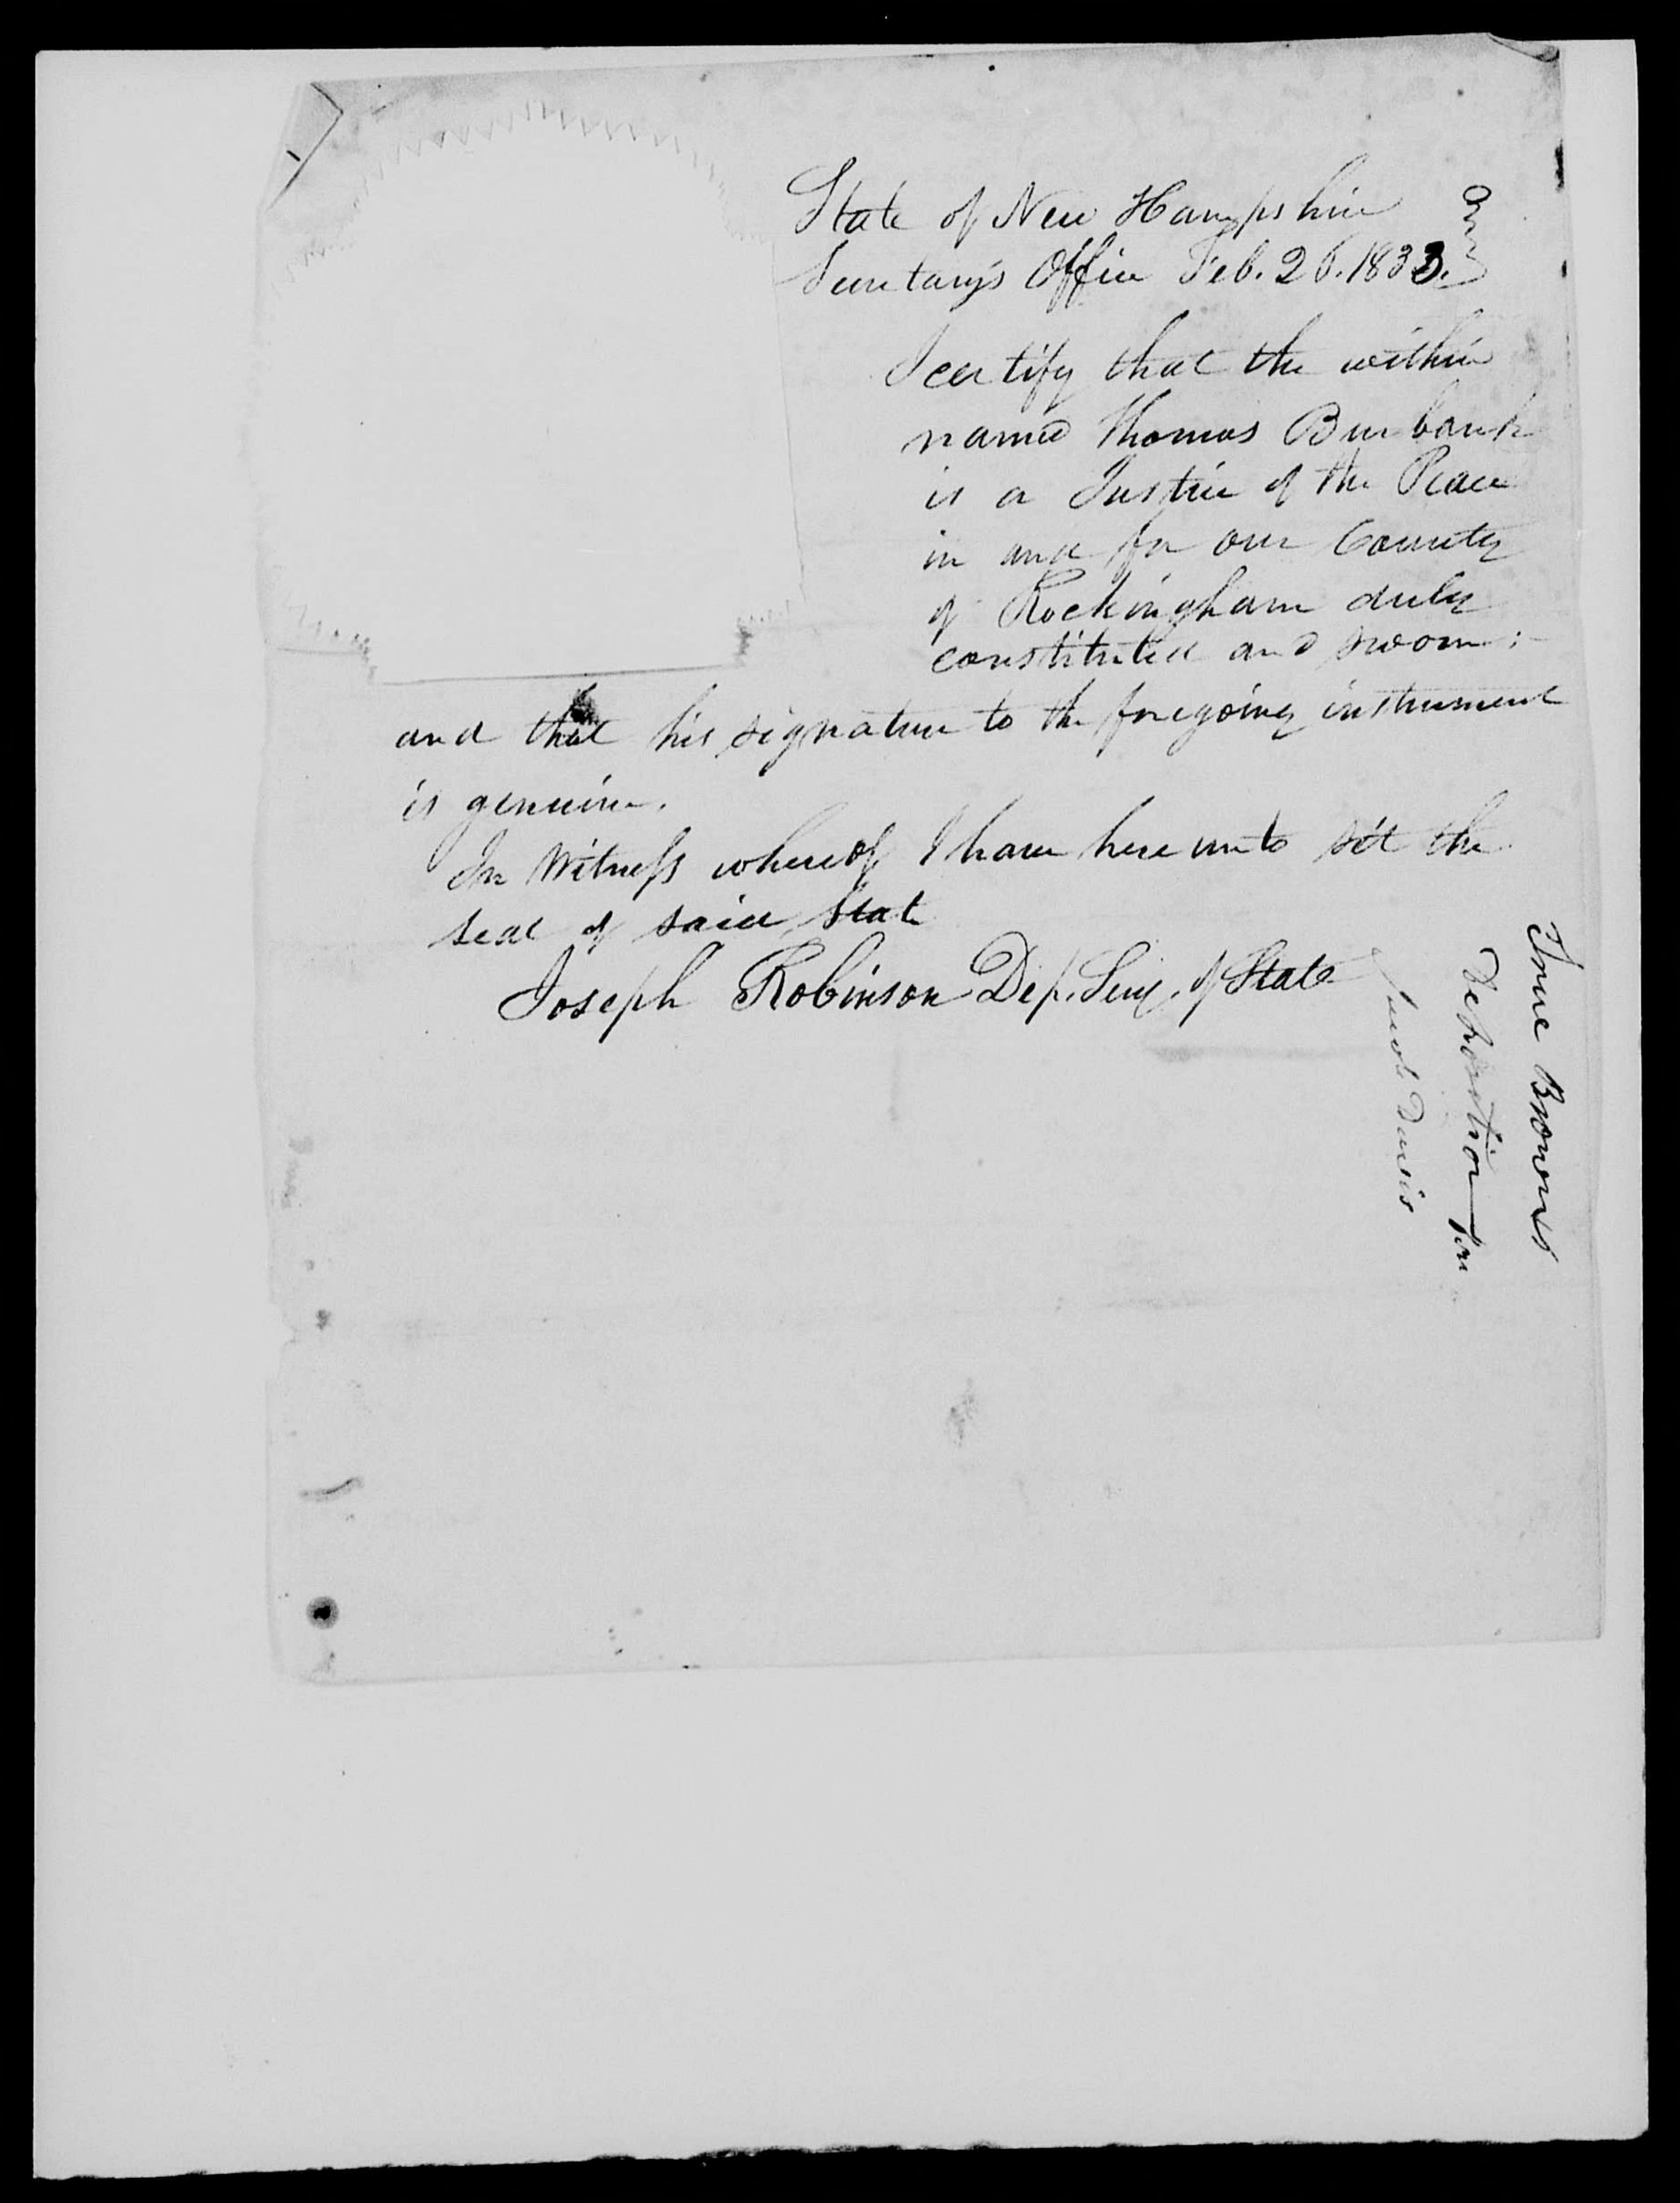State of New Hampshire
Secretary's Office Feb. 26. 1833
I certify that the within
named Thomas Burbank
is a Justice of the Peace
in and for our County
of Rockingham duly
constituted and sworn
and that his signature to the foregoing instrument
is genuine.
In Witness whereof I have hereunto set the
seal of said State
Joseph Robinson Dep. Secy of State
[sideways]
True Brown Declaration for Jacob Davis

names: Jacob Davis, Joseph Robinson, True Brown, Thomas Burbank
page: 31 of 47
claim: widow's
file: W. 24043, Jacob Davis, N.H.